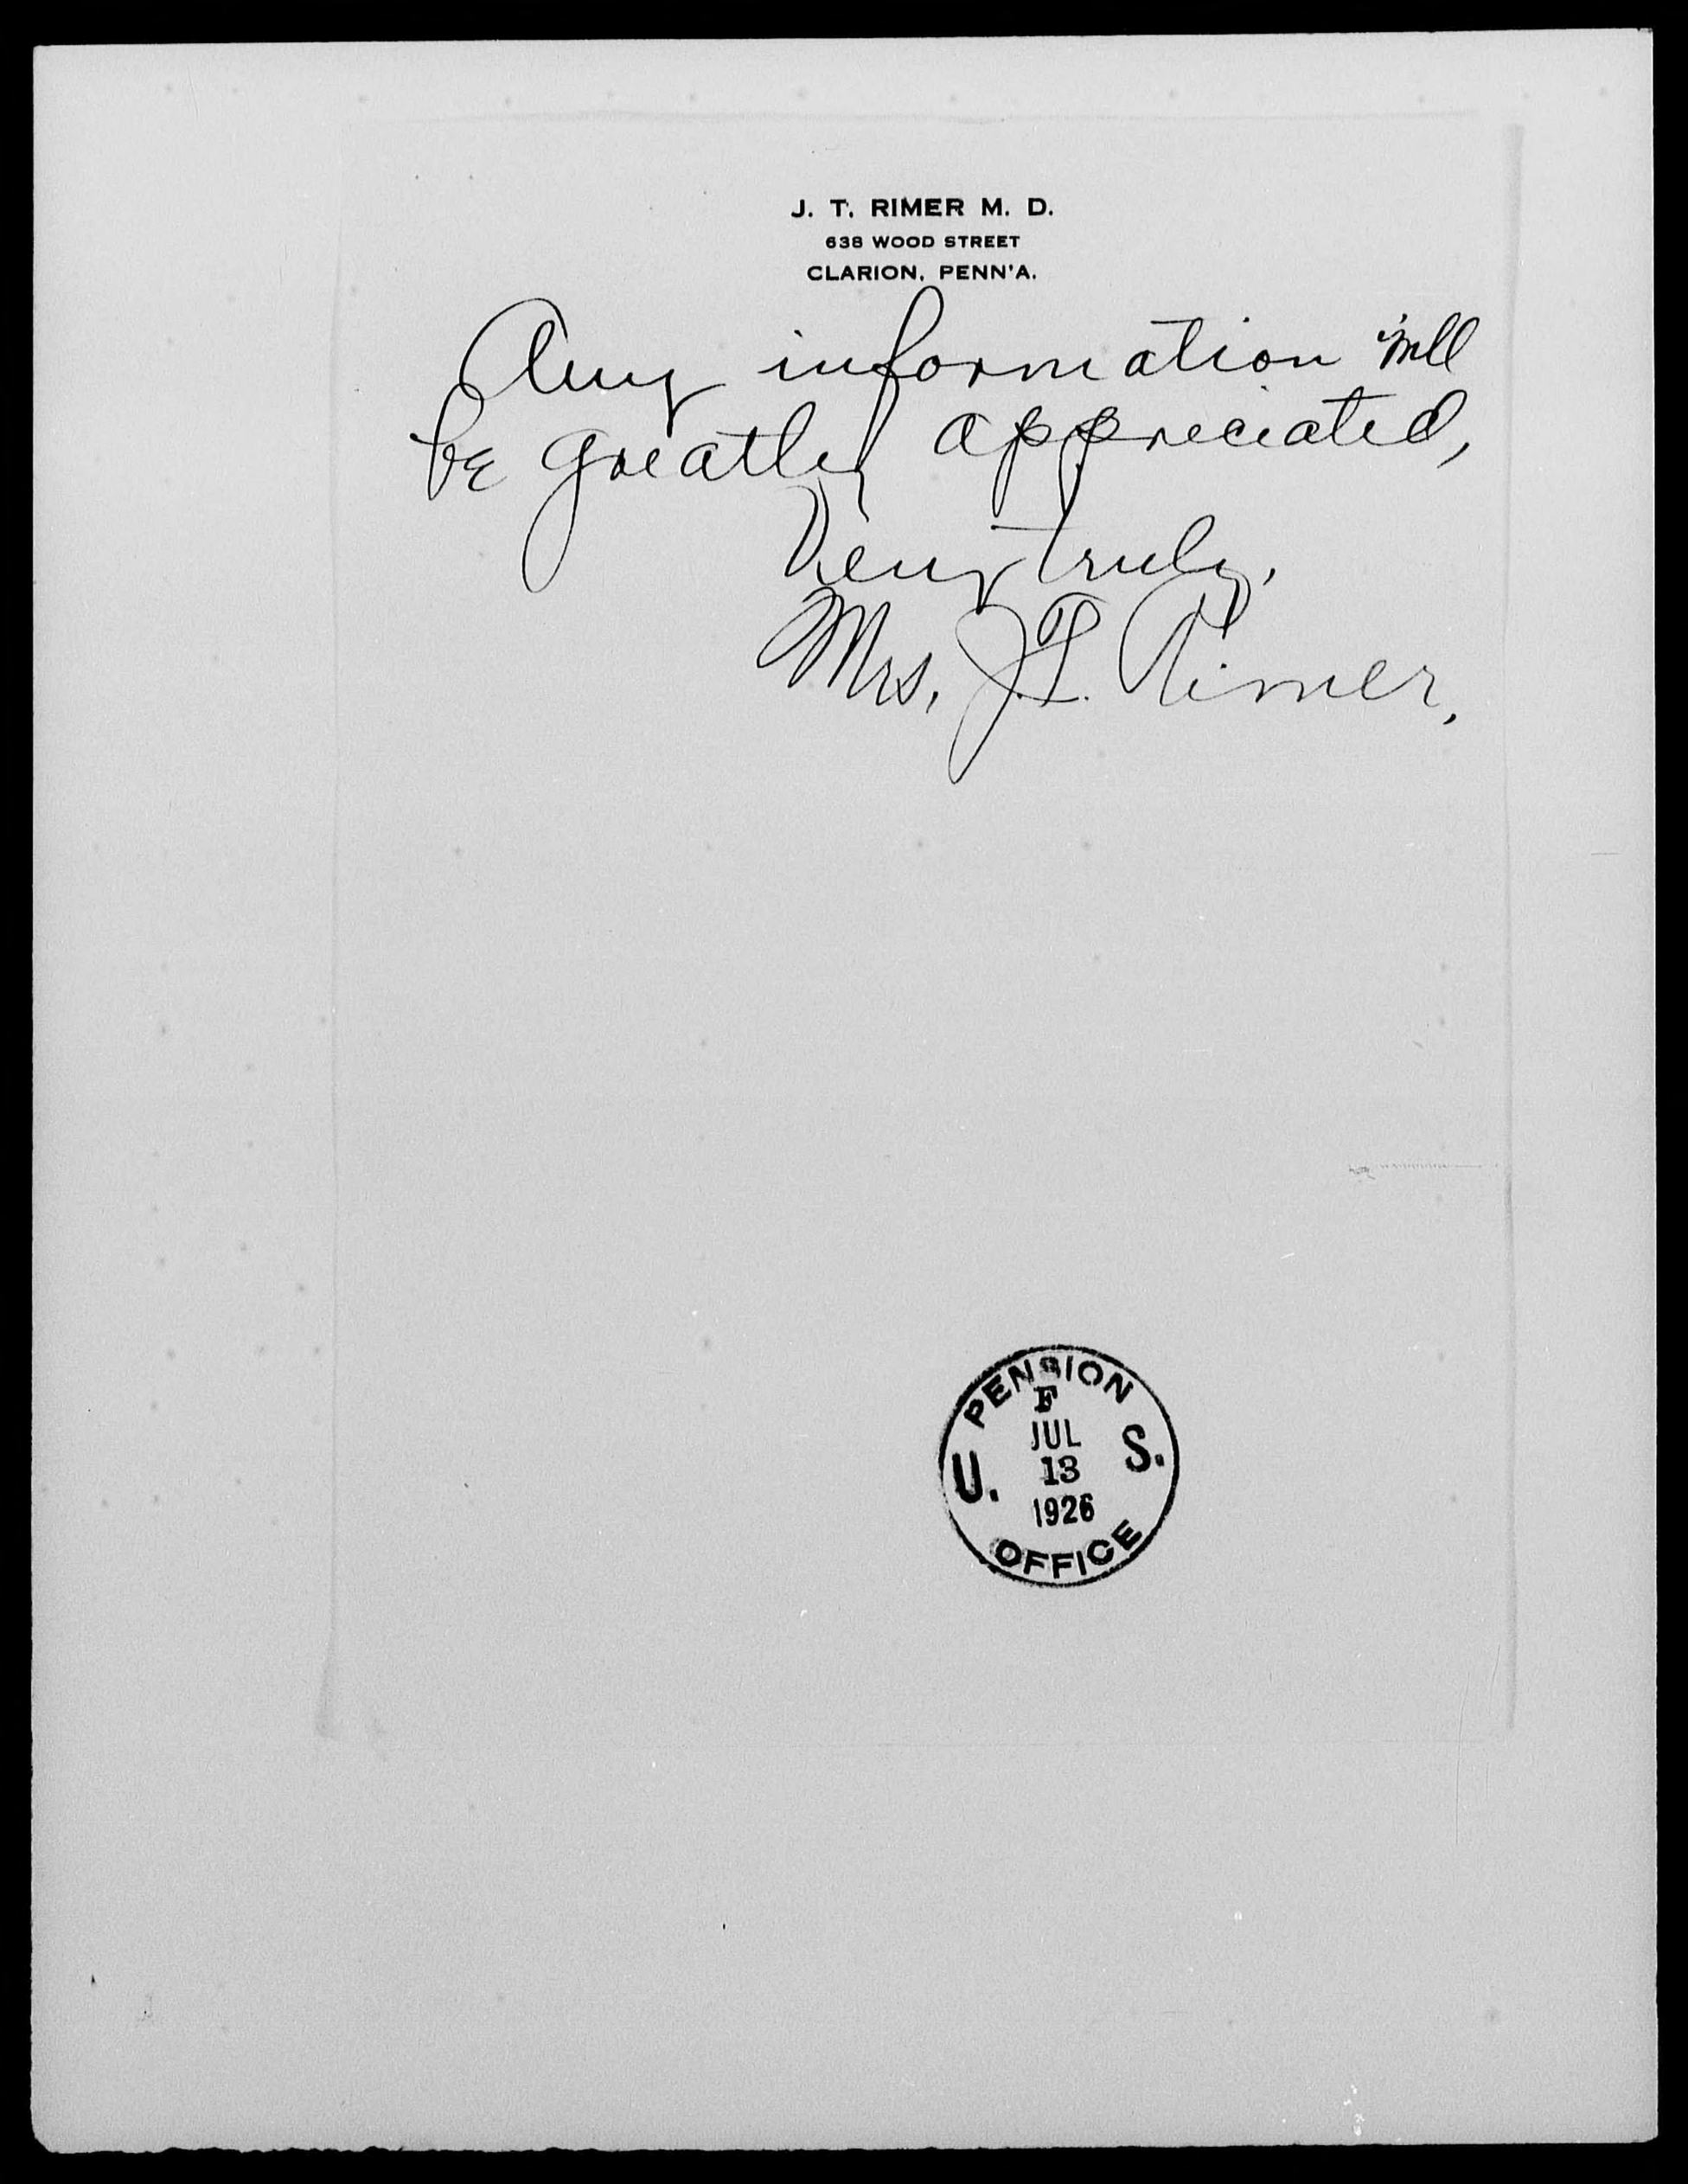[pg 2 of 2]

J. T. RIMER M. D.
638 WOOD STREET
CLARION, PENN'A.
Any information will be greatly appreciated,
Very truly,
Mrs. J.T. Rimer.

[stamp, bottom]
U. S. PENSION OFFICE
F
JULY 13 1926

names: J T Rimer, J T Rimer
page: 75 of 83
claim: widow's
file: W. 5946, John Brandon, Penn